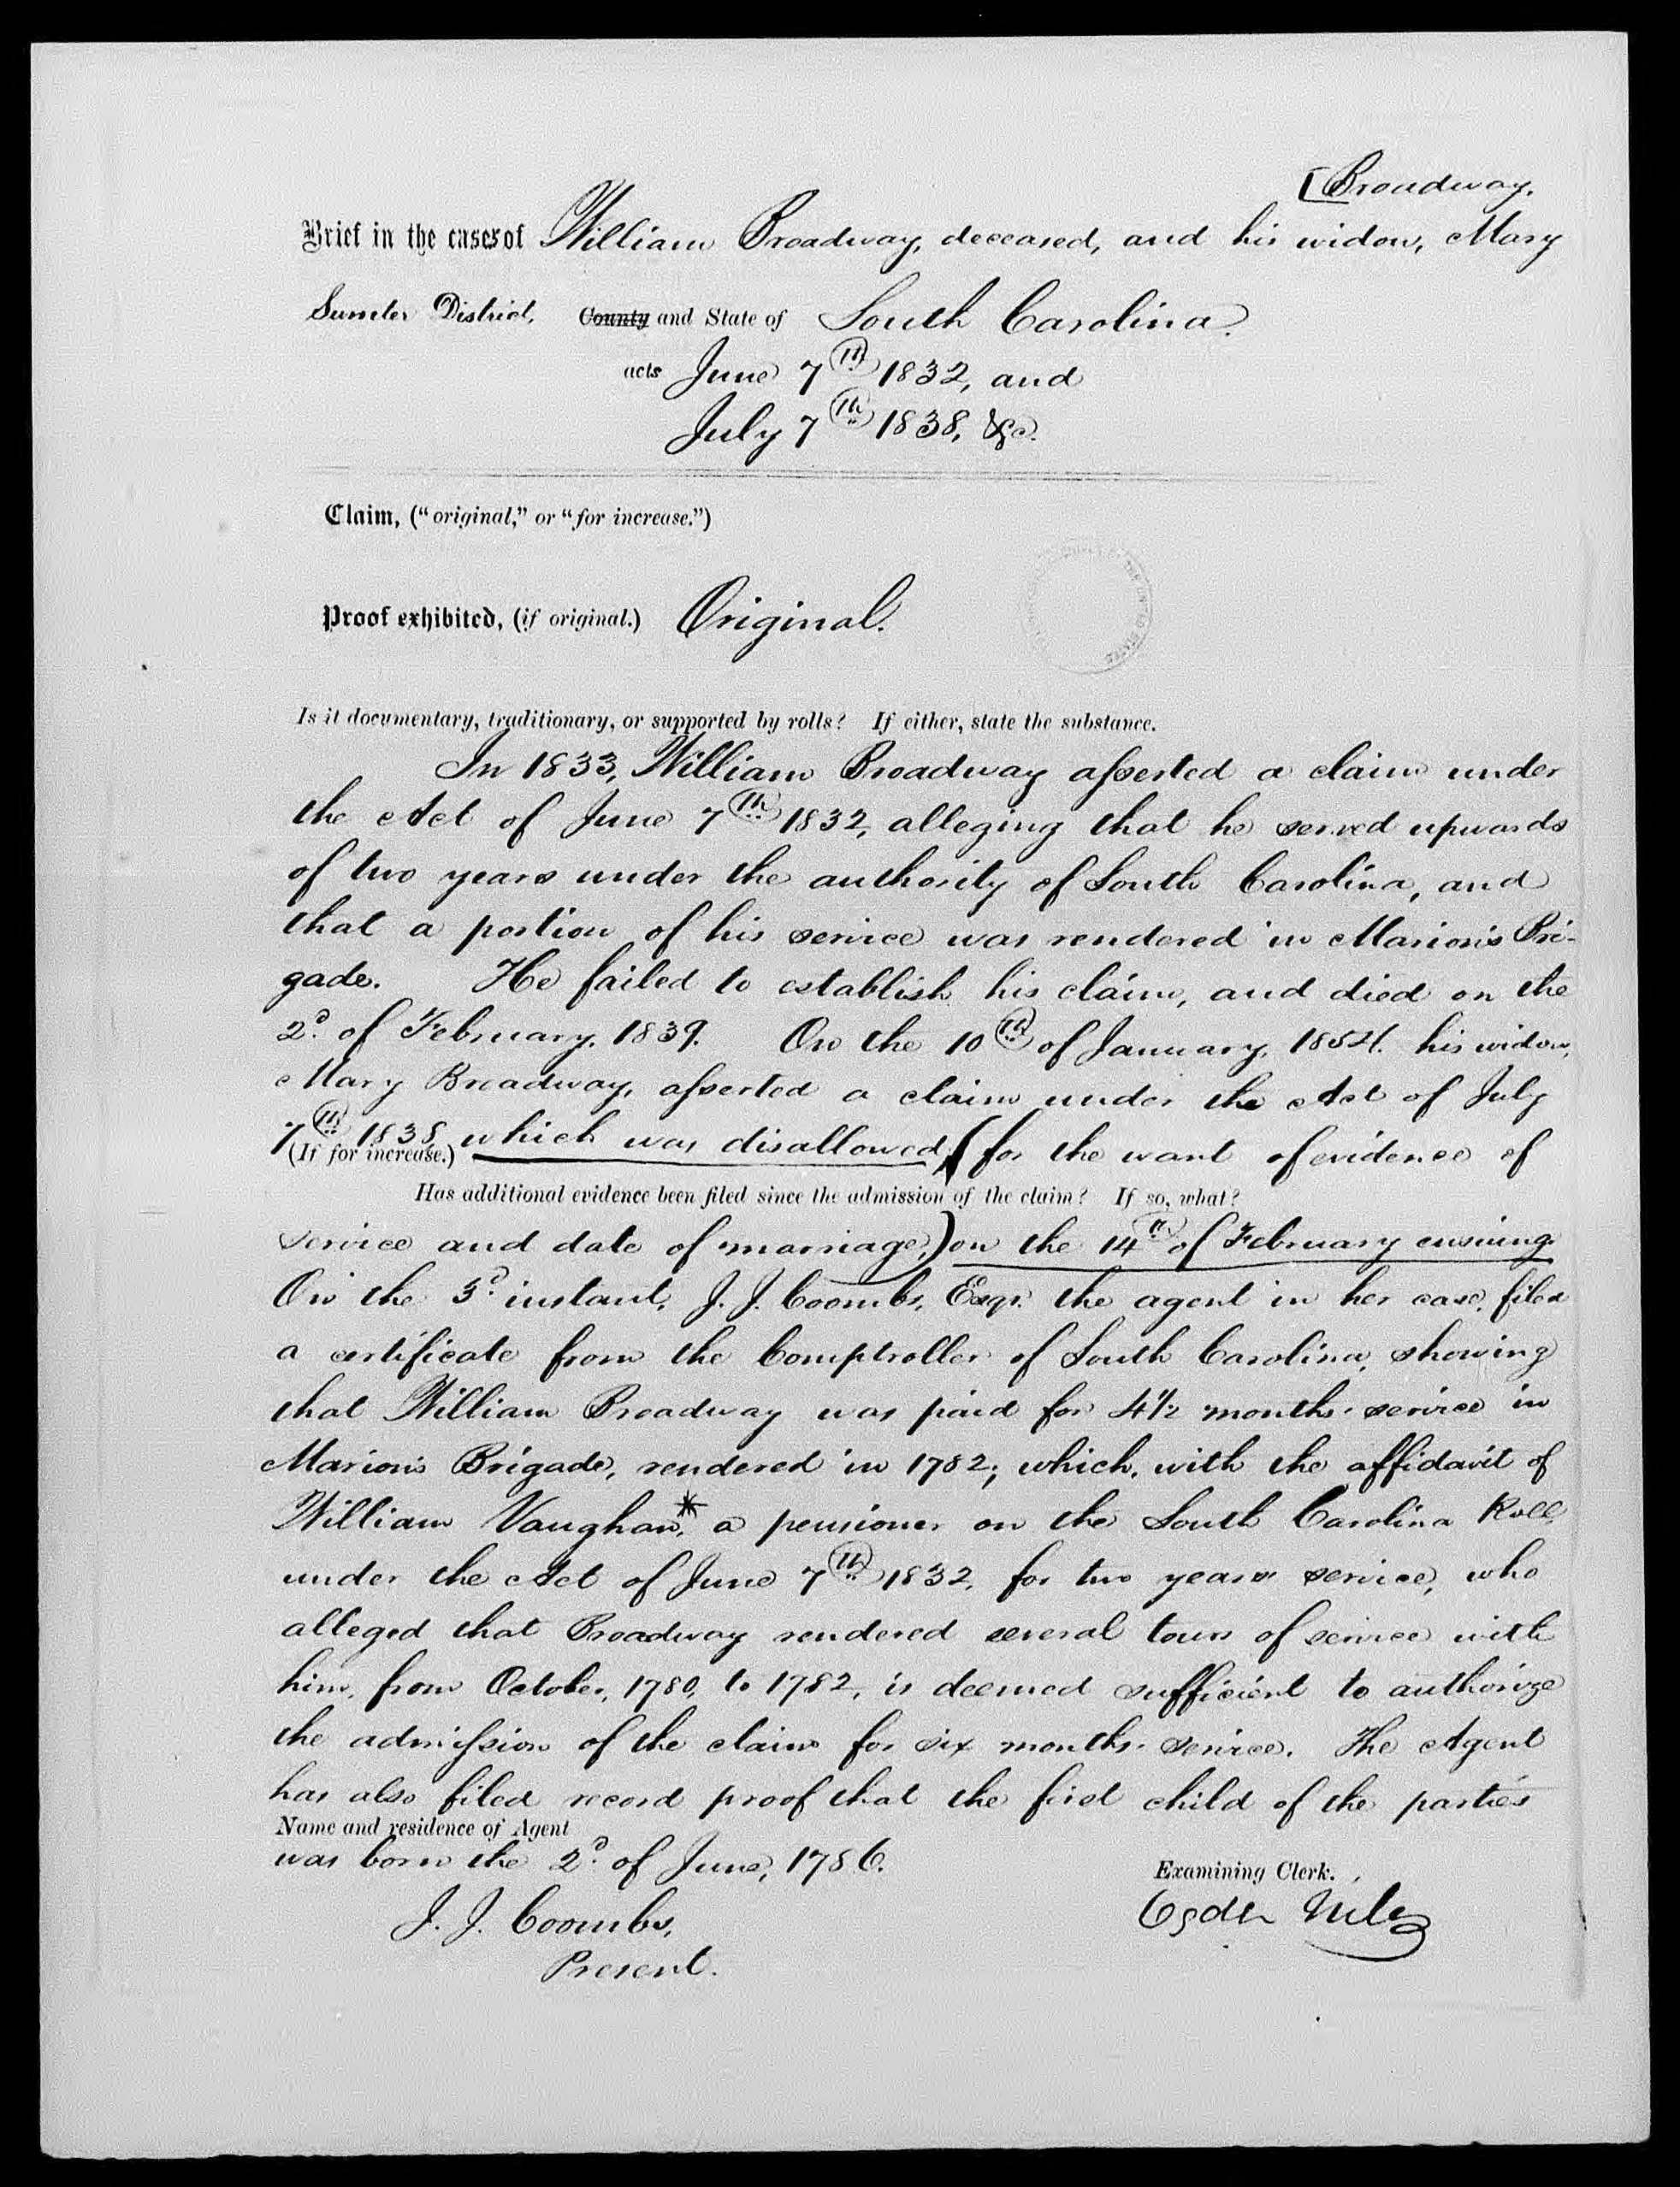[Broadway.
Brief in the cases of William Broadway, deceased, and his widow, Mary
Sumter District, and State of
 South Carolina, 
acts June 7th, 1832, and
July 7th, 1838, &c
Claim, ('original," or "for increase.")
Proof exhibited, (if original.) Original.
Is it documentary, traditionary, or supported by rolls?  If either, state the substance.
In 1833, William Broadway asserted a claim under the Act of June 7th, 1832, alleging that he served upwards of two years under the authority of South Carolina, and that a portion of his service was rendered in Marion's brigade.  He failed to establish his claim, and died on the 2d of February, 1839.  On the 10th of January, 1854 his widow, Mary Broadway, asserted a claim under the Act of July 7th 1835 which was disallowed for the want of evidence of service and date of marriage?) on the 14th of February ensuing 
Has additional evidence been filed since the admission of the claim?  If so, what?
On the 3d instant J. J. Coombs, Esq the agent in her case filed a certificate from the Comptroller of South Carolina showing that William Broadway was paid for 4 1/2 months service in Marion's Brigade rendered in  1782, which, with the affidavit of William Vaughan*, a pensioner on the South Carolina Roll under the Act of June 7th, 1832, for two years of service who alleged that Broadway rendered several tours of service with him from October 1780 to 1782, is deemed sufficient to authorize the admission of the claim for six months service.  The Agent has also filed record proof that the first child of the parties was born the 2d of June, 1786.
Name and residence of Agent 
J. J. Coombs, 
Present.
Examining Clerk.
Ogden Niles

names: Mary Broadway, William Broadway, William Broadway, William Broadway, Broadway, Mary Broadway, J J Coombs, Ogden Niles, J J Coombs, William Vaughan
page: 88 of 98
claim: widow's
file: W. 8398, William Broadway, S.C.